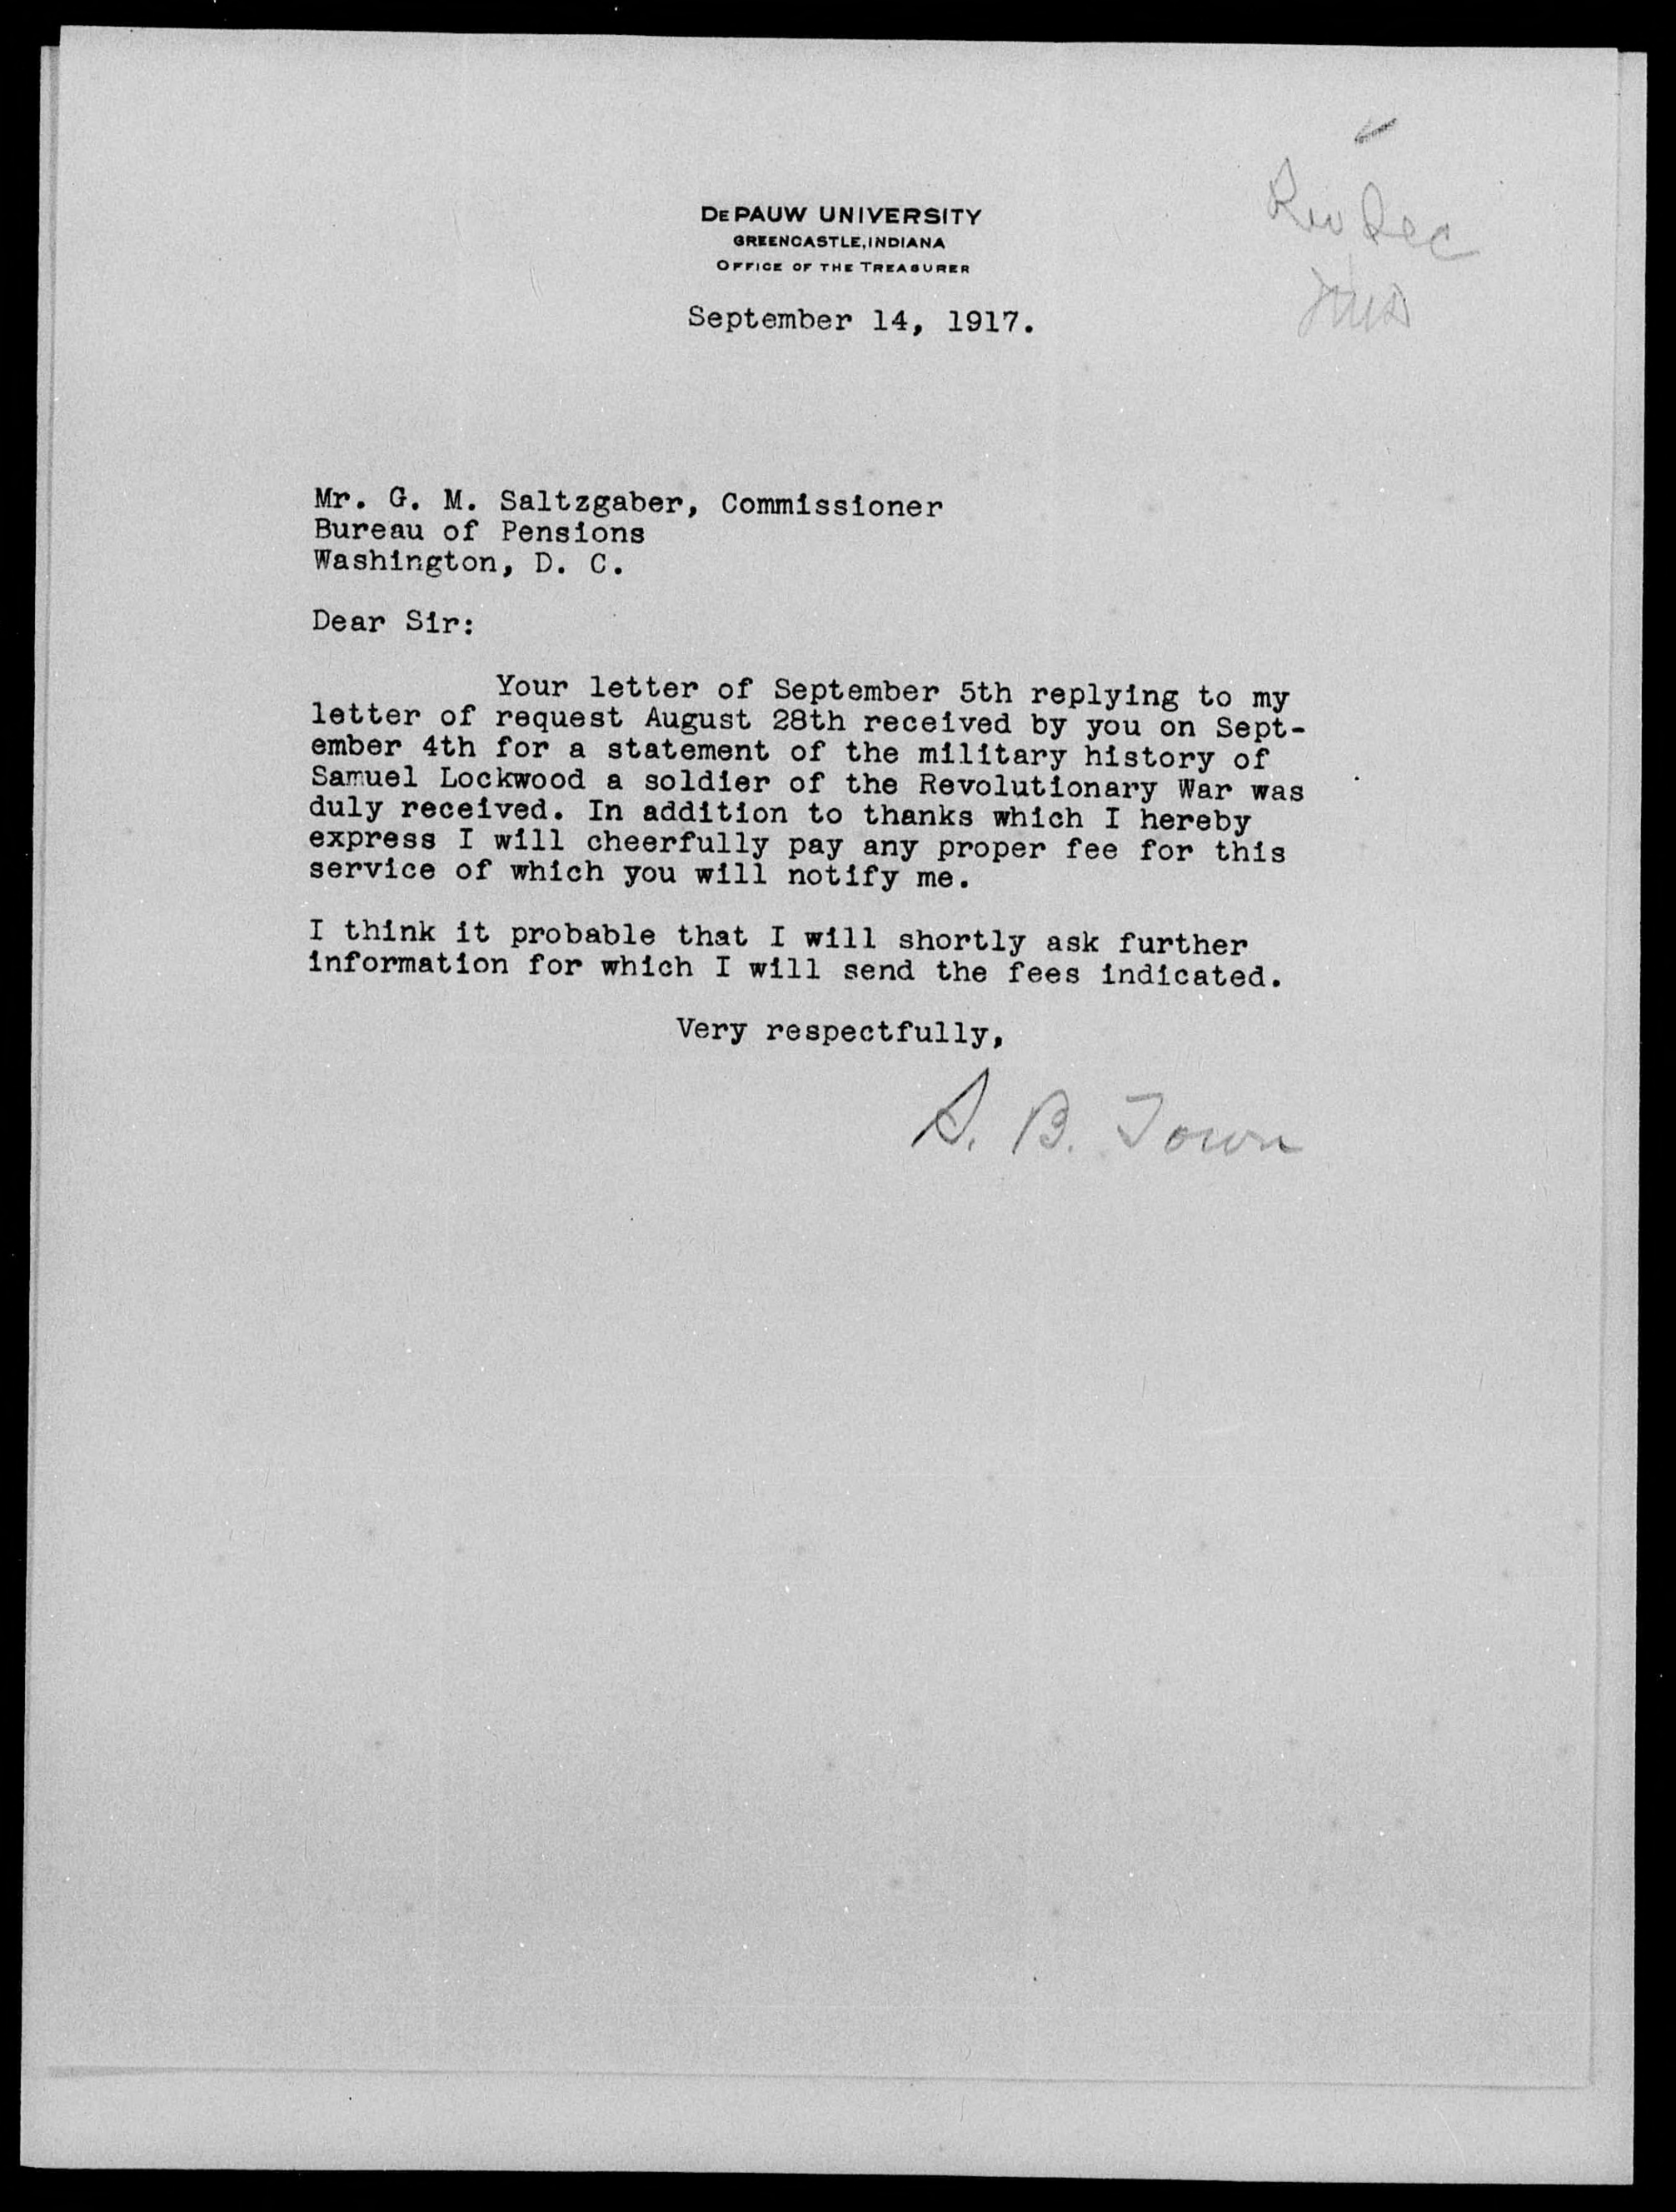Rev Rec’d JWD

DEPAUW UNIVERSITY
GREENCASTLE INDIANA
OFFICE OF THE TREASURER

September 14, 1917.
Mr. G.M. Saltzgaber, Commissioner
Bureau of Pensions
Washington, D. C.

Dear Sir:
Your letter of September 5th replying to my
letter of request August 28th received by you on September
4th for a statement of the military history of
Samuel Lockwood a soldier of the Revolutionary War was
duly received. In addition to thanks which I hereby
express I will cheerfully pay any proper fee for this
service of which you will notify me.

I think it probable that I will shortly ask further
information for which I will send the fees indicated.

Very respectfully,
S. B. Town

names: G M Saltzgaber; S B Town; Samuel Lockwood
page: 22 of 25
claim: survivor's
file: S. 13789, for Samuel Lockwood, Delaware